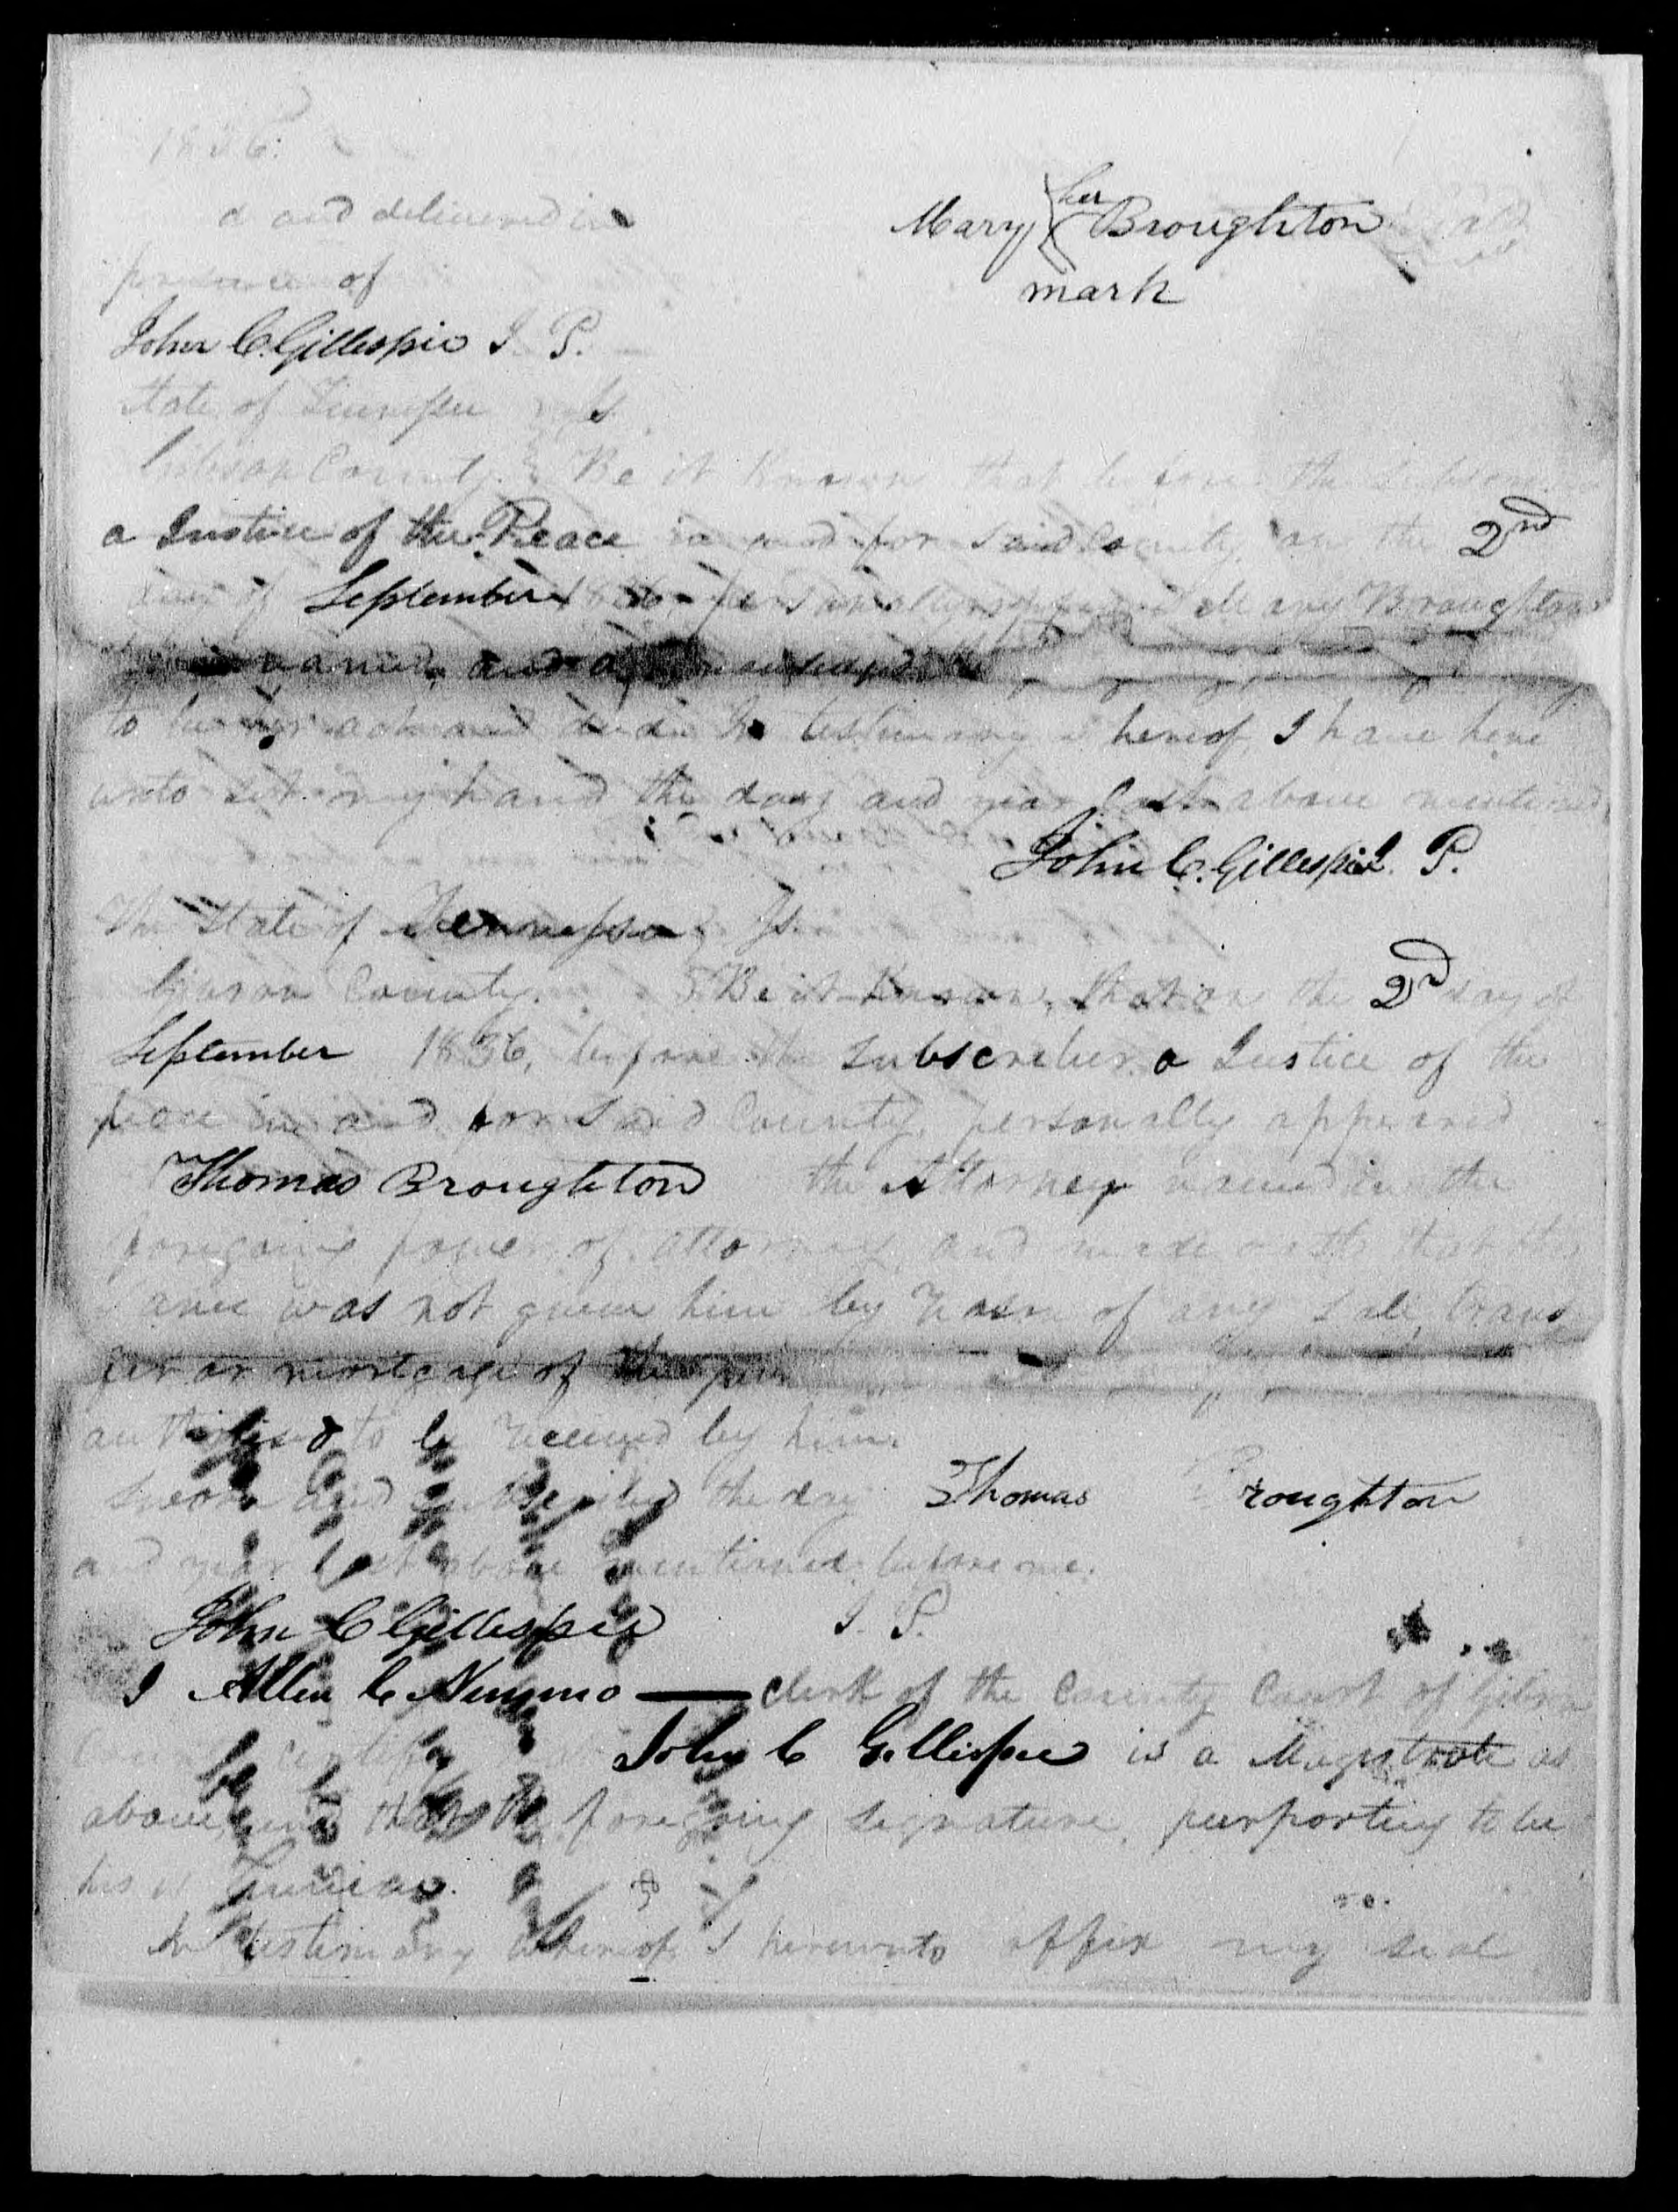1836. Mary Broughton X her mark
Signed, sealed and delivered in the presence of John C. Gillespie J P.

State of Tennessee Gibson County
Be it known that before the subscriber a Justice of the Peace in and for said County on the 2nd day of 
September 1836 personally appeared Mary Broughton [illegible] 
In testimony whereof I have hereunto
set my hand the day and year last 
above mentioned. 
s/ John C. Gillespie J.P.

State of Tennessee Gibson County
Be it known that on the 2d day of
September 1836, before the subscriber a Justice of the Peace in and for said County, personally appeared Thomas Broughton the Attorney named in the foregoing power of attorney and made oath that the same  was not given him by reason of any sale, transfer or mortgage of [illegible] 
authorized to be received by him.
s/ Thomas Broughton
Sworn and subscribed the day and year last above mentioned before methe mentioned before me
s/John C Gillespie JP

I, Allen C. Nimmo Clerk of the County Court of Gibson county certify that 
John C Gillispie is a Magistrate as
above and that  the foregoing signature purporting to be his is genuine. In testimony whereof I 
hereunto affix my seal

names: John C Gillespie, Mary Broughton, Thomas Broughton, Allen C Nimmo, John C Gillespie, Thomas Broughton, John C Gillespie, Mary Broughton, John C Gillespie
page: 36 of 72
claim: widow's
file: W. 897, Thomas Broughton, S.C.